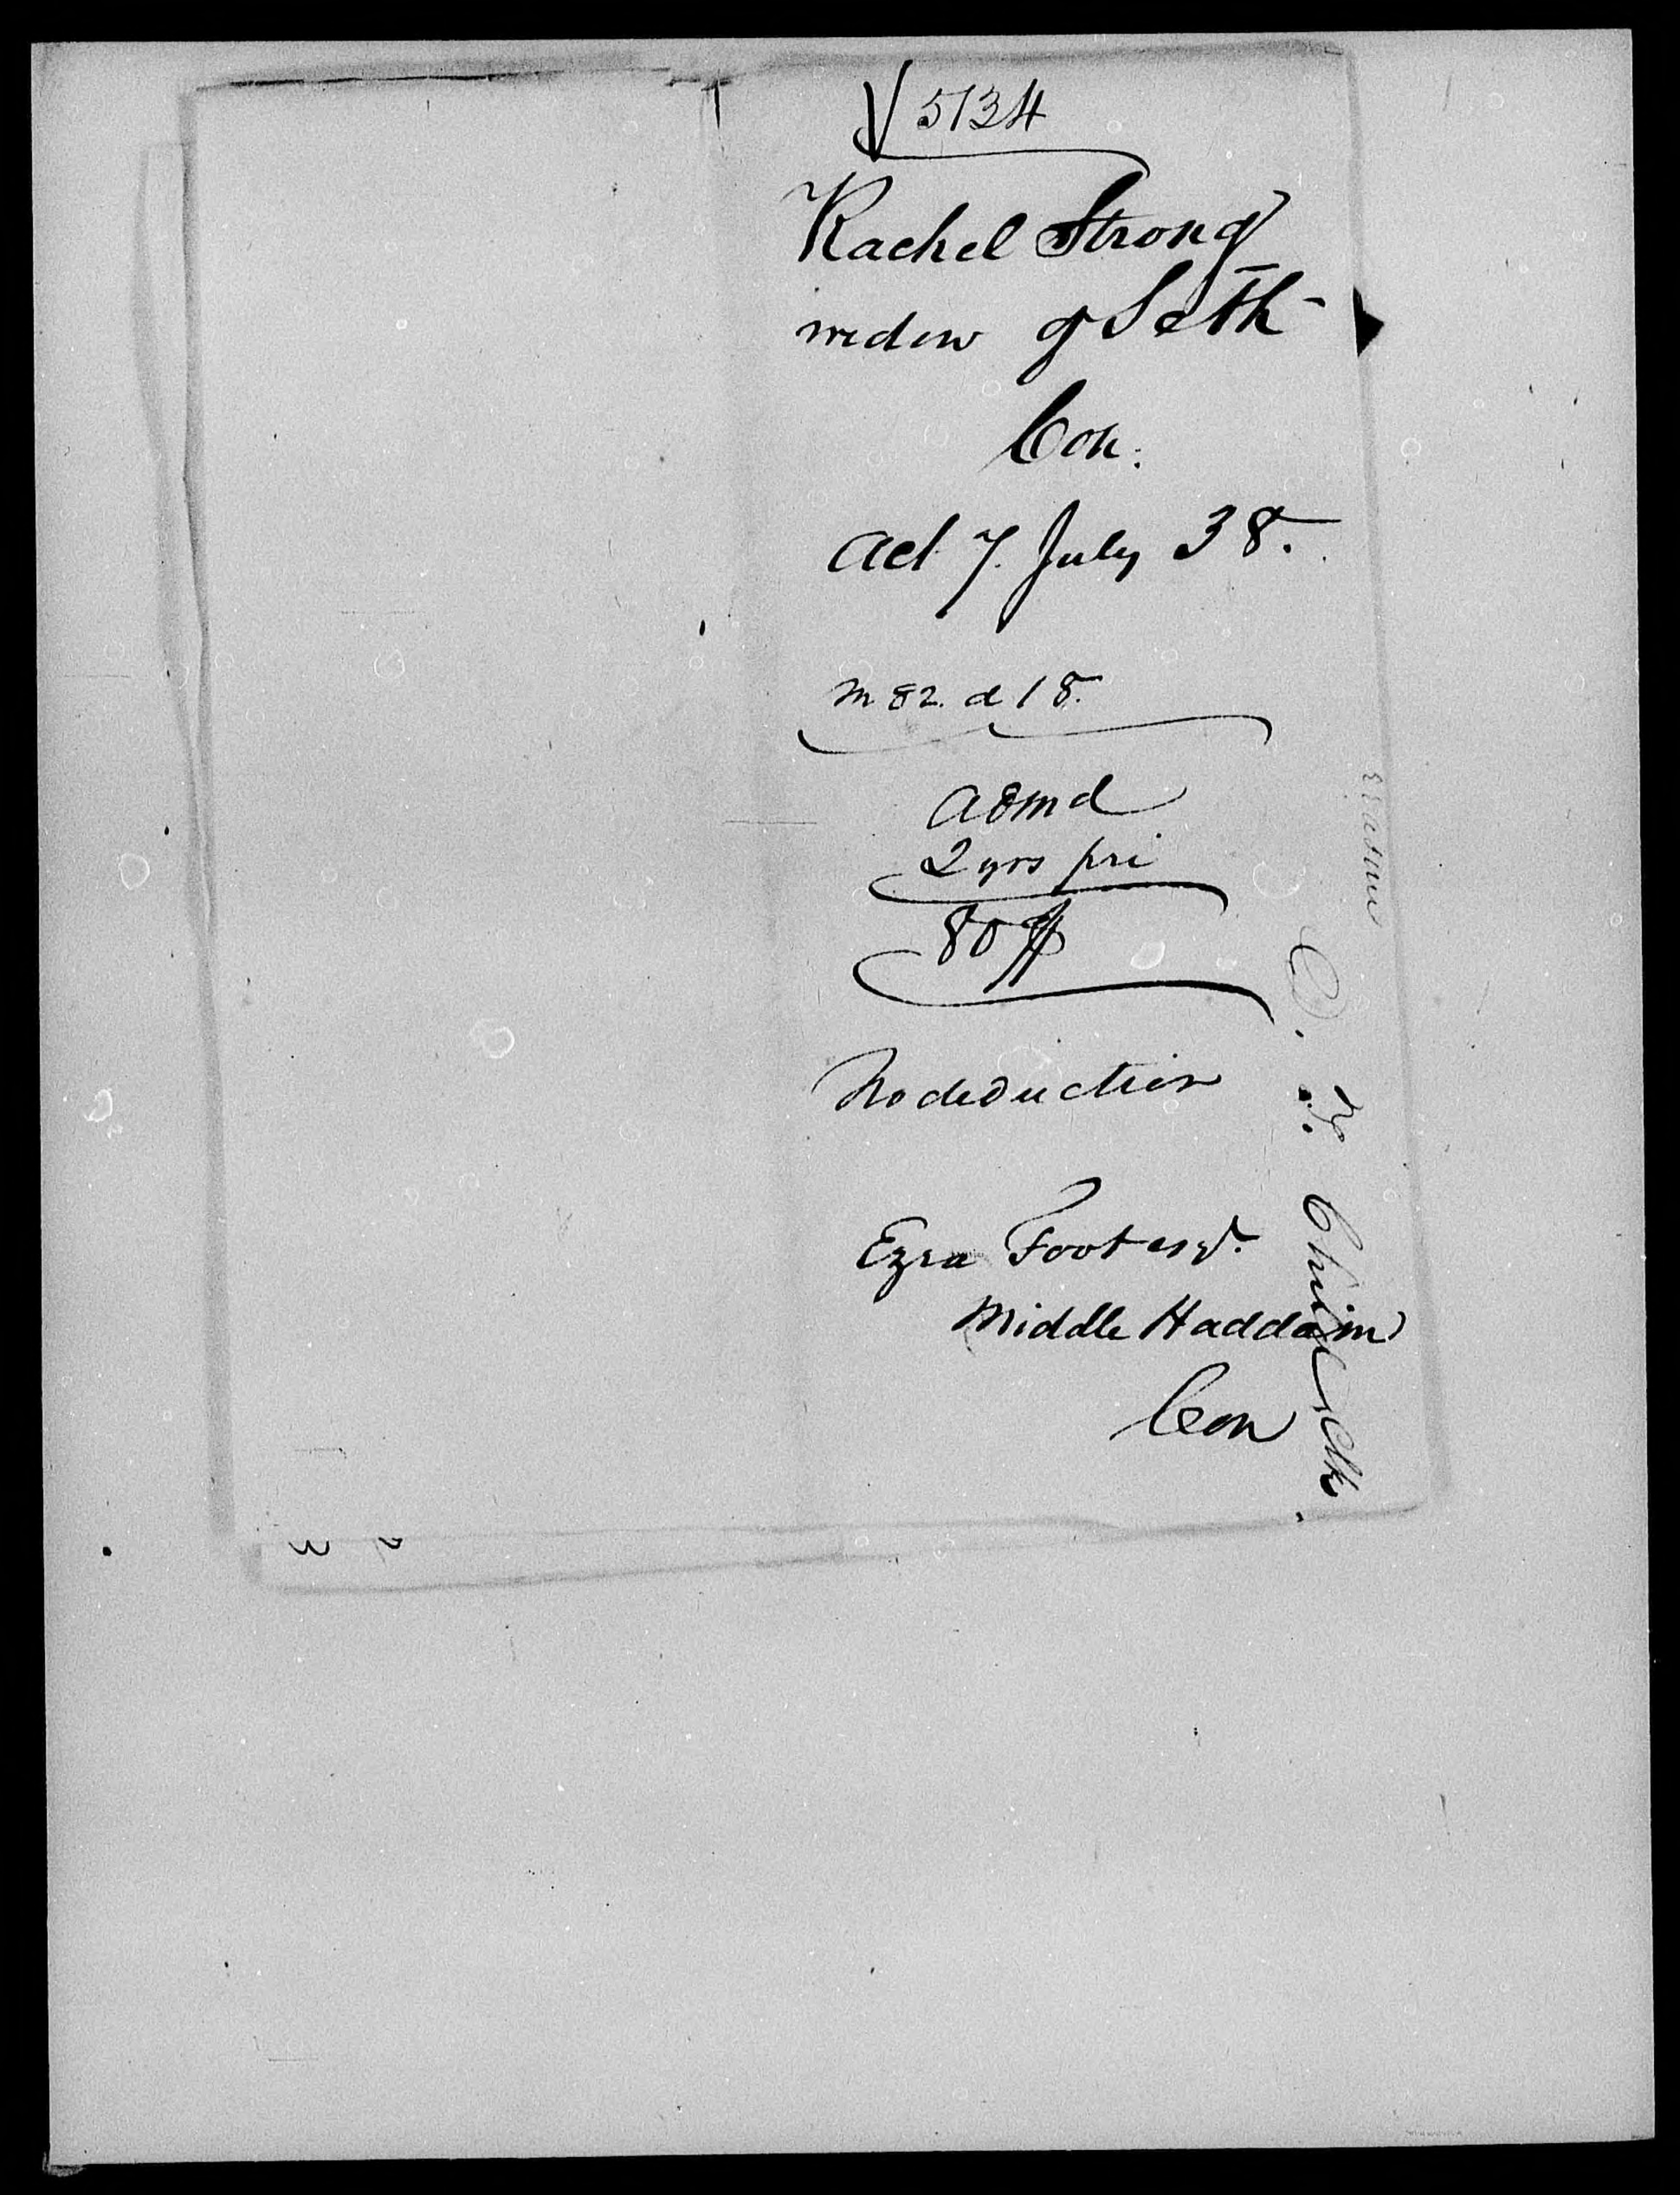V 5134

Rachel Strong
widow of Seth -
Con:
Act 7. July 38.

m 82. d 18.

aomd
2 yrs pri

80$
No deduction

Ezra Foot esq.
Middle Haddam
Con

[Written vertically up right margin:]
D. T. Child, Clk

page: 8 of 47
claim: widow's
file: W. 17879, for Seth Strong, Connecticut